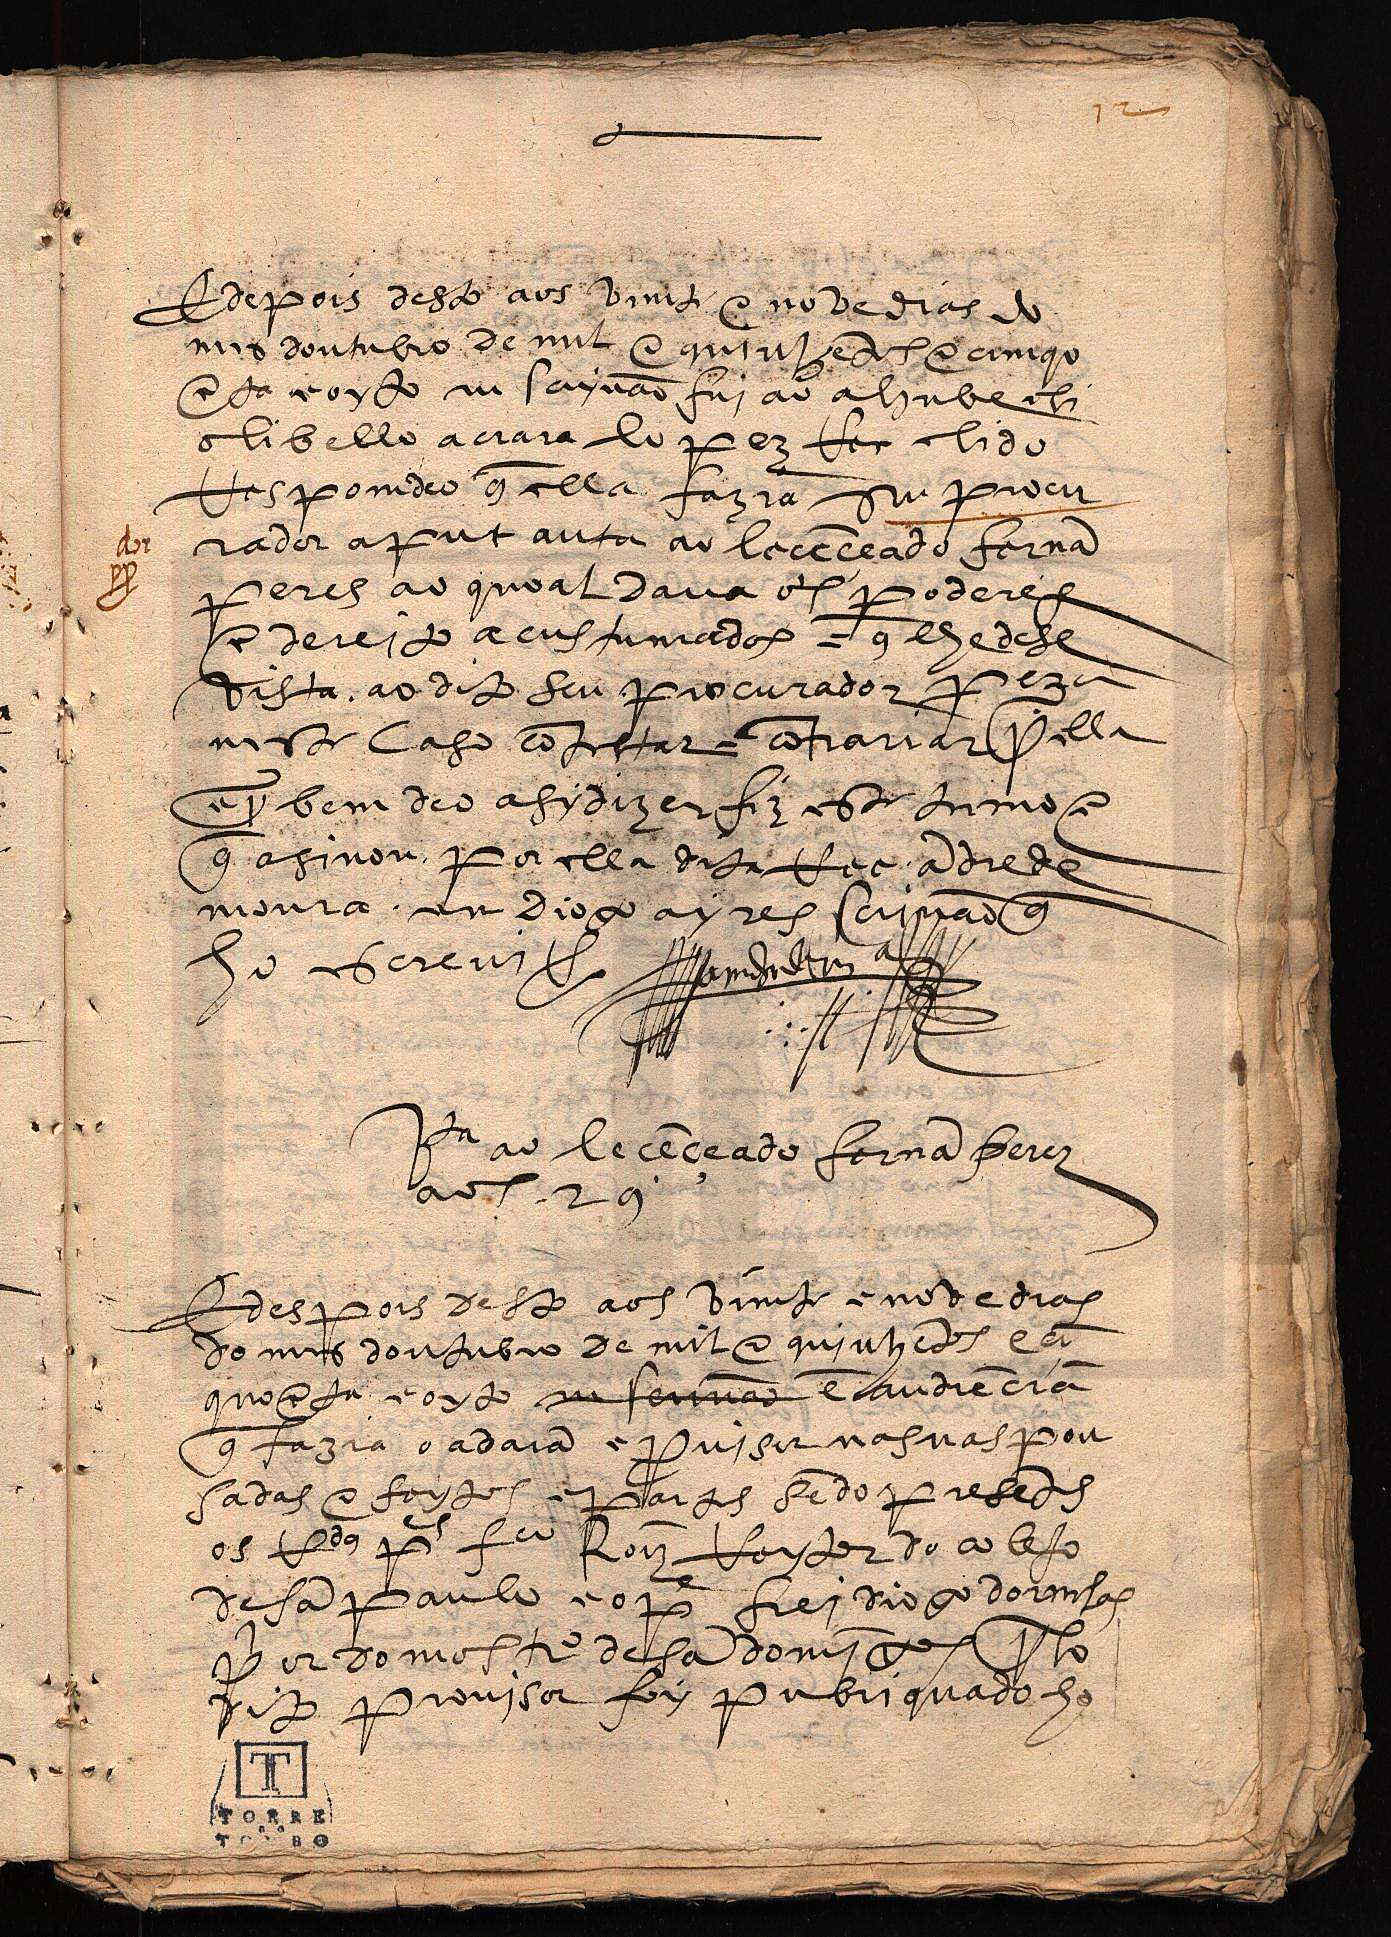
E despois desto aos vimte e nove dias do
mes doutubro de mil e quinhētos e cimqo
ēta e oyto eu scryuão fuj ao aljube e li
o libello a crara lopez Ree e lido
Respomdeo q̄ ella fazia seu procu
rador aput auta ao leçēçeado fernā
peres ao quoaL daua os poderes
ē derejto acustumados e q̄ lhe dese
vista ao dito seu procurador pera
neste Caso c̄otestar e c̄otrariar p̄o ella
e p̄o bem de o asy dizer fiz este termo ē
q̄ asinou por ella dita Ree ādre de
moura. eu Diogo ayres scriuão q̄
ho escreui
Vta ao leçēçeado fernā perez
aos 29
E despois desto aos vimte e nove dias
do mes doutubro de mil e qujnhētos e çī
quoēta e oyto eu scriuão ē audiēciā
q̄ fazia o adaiā e ꝓujsor na suas pou
sadas e feytos e partes sēdo presētes
os Rdꝯ pes fco Roīz Reytor do coleJo
de sā paulo e o pe frej diogo dornelas
pior do mostro de sā domj̄gos p̄lo
dito proujsor foy pubriquado ho
